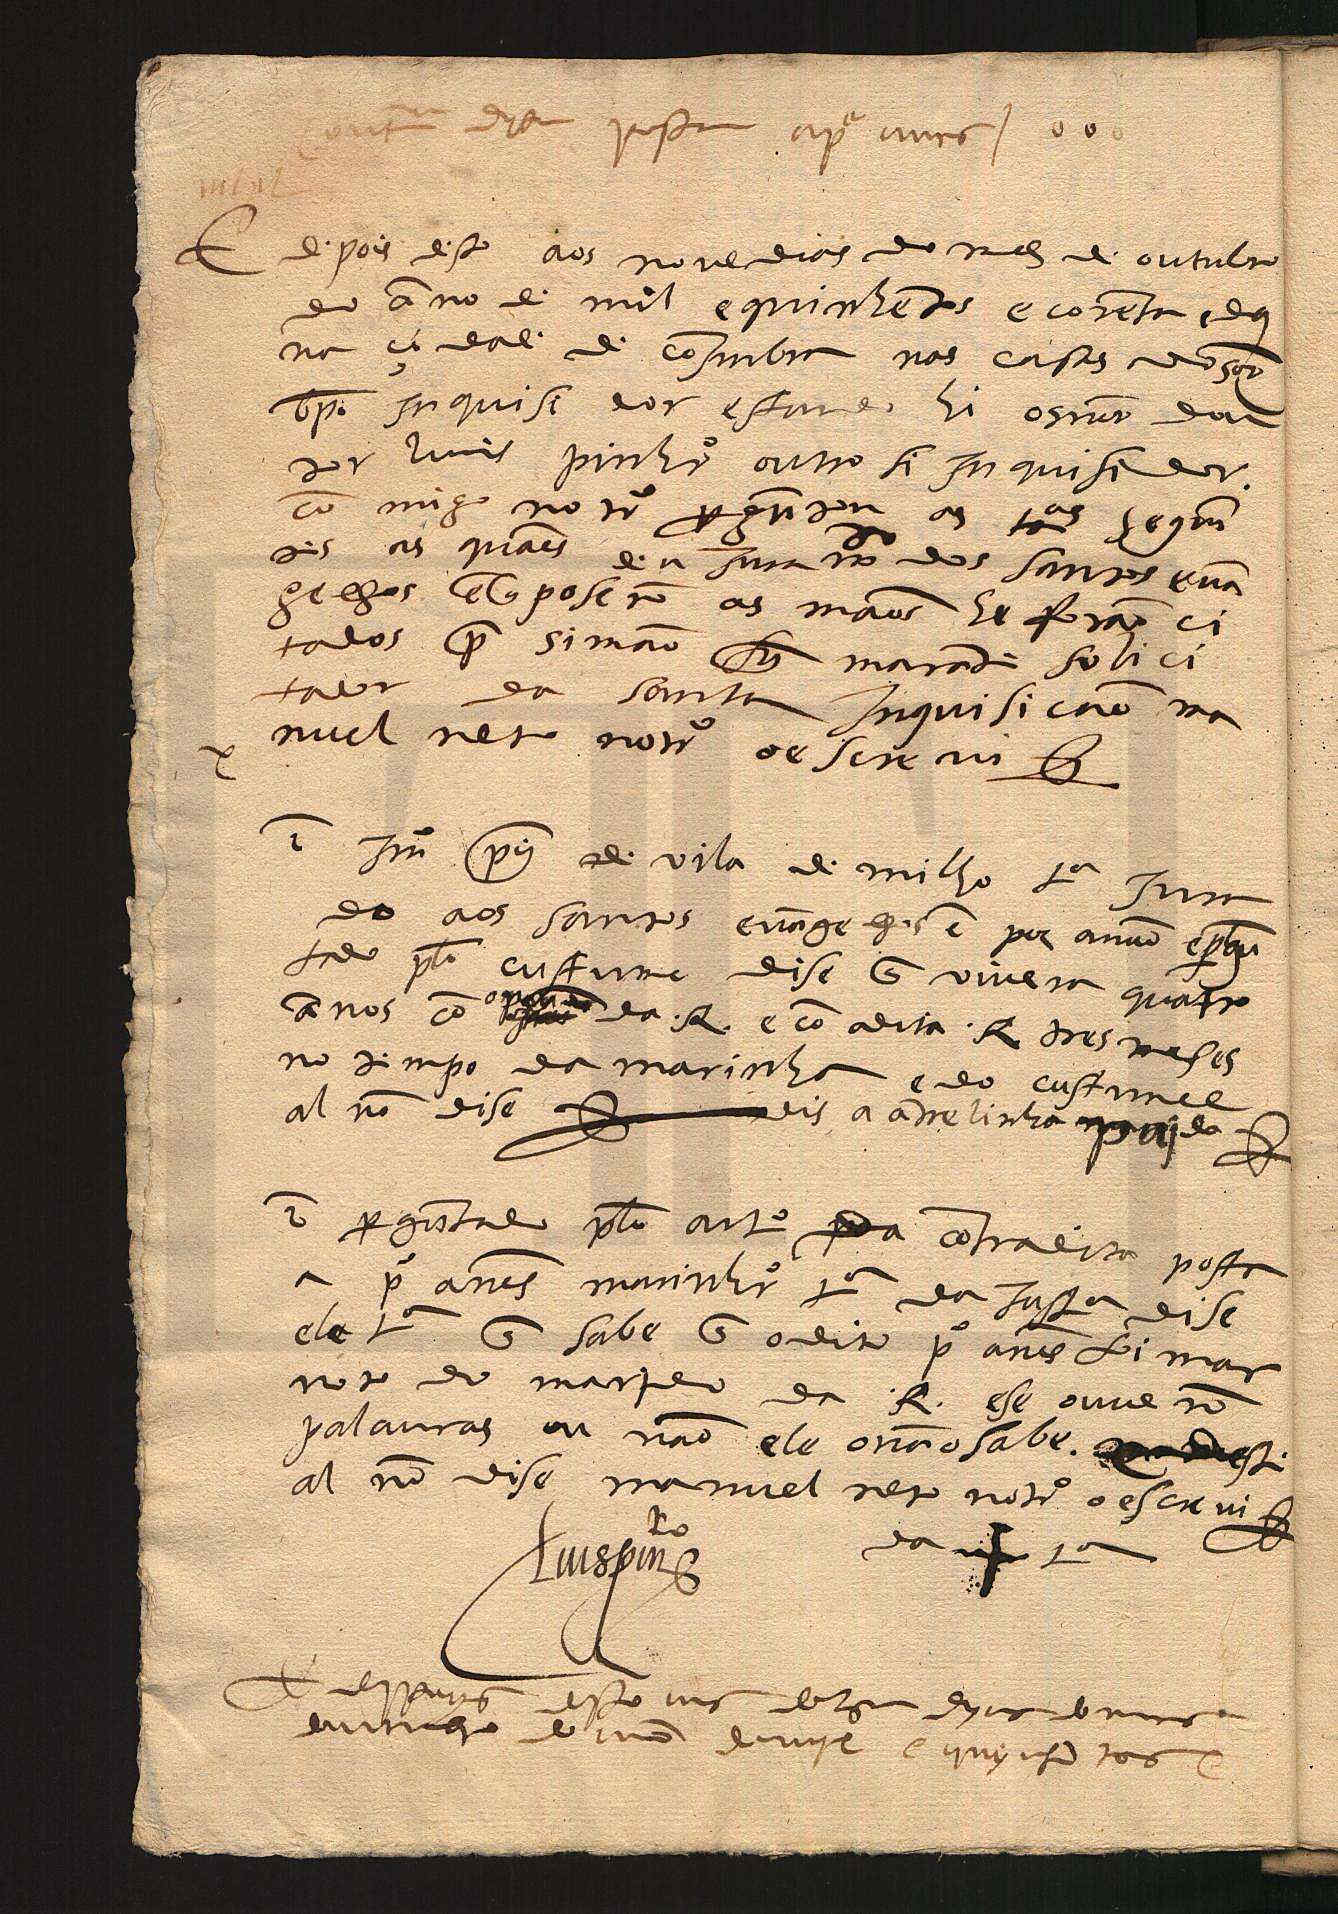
Contradyta posta a pe anes /
E depois desto aos noue dias do mes de outubro
do āno de mil e quinhētos e corēta e dꝯ
na çidade de coJmbra nas casas do s̄or
b̄po Jnquisidor estando hi o sn̄or dou
tor luis pinhro outrosi Jnquisidor
c̄omigo notro ꝑḡutou as tas segūi
tes as quaes deu Juramto dos santos eūa
gelhos ē q̄ poser̄o as mãos he forão ci
tados p̄ simão f̄rz marāte solici
tador da santa Jnquisicão ma
nuel neto notro o escreui
item Jmo p̄iz de vila de milho ta Jura
do aos santos eūagelhos ē pos a mão e ꝑḡu
tado p̄lo custume dise q̄ viuera quatro
ānos c̄o _ da .R. e c̄o a dita .R tres meses
no tempo da marinha e do custume
al nō dise
item ꝑgūtado p̄lo arto da cōtradita posta
a po an̄es marinhro ta da Justa dise
ele ta q̄ sabe q̄ o dito po an̄es foi mar
noto do marjdo da .R. e se ouue c̄o
palauras ou não ele o não sabe. _ste
al n̄o dise manuel neto notro o escreui
E despoys desto aos doze dyas do mes
doutubro do anō de mjl e quynhētos e
